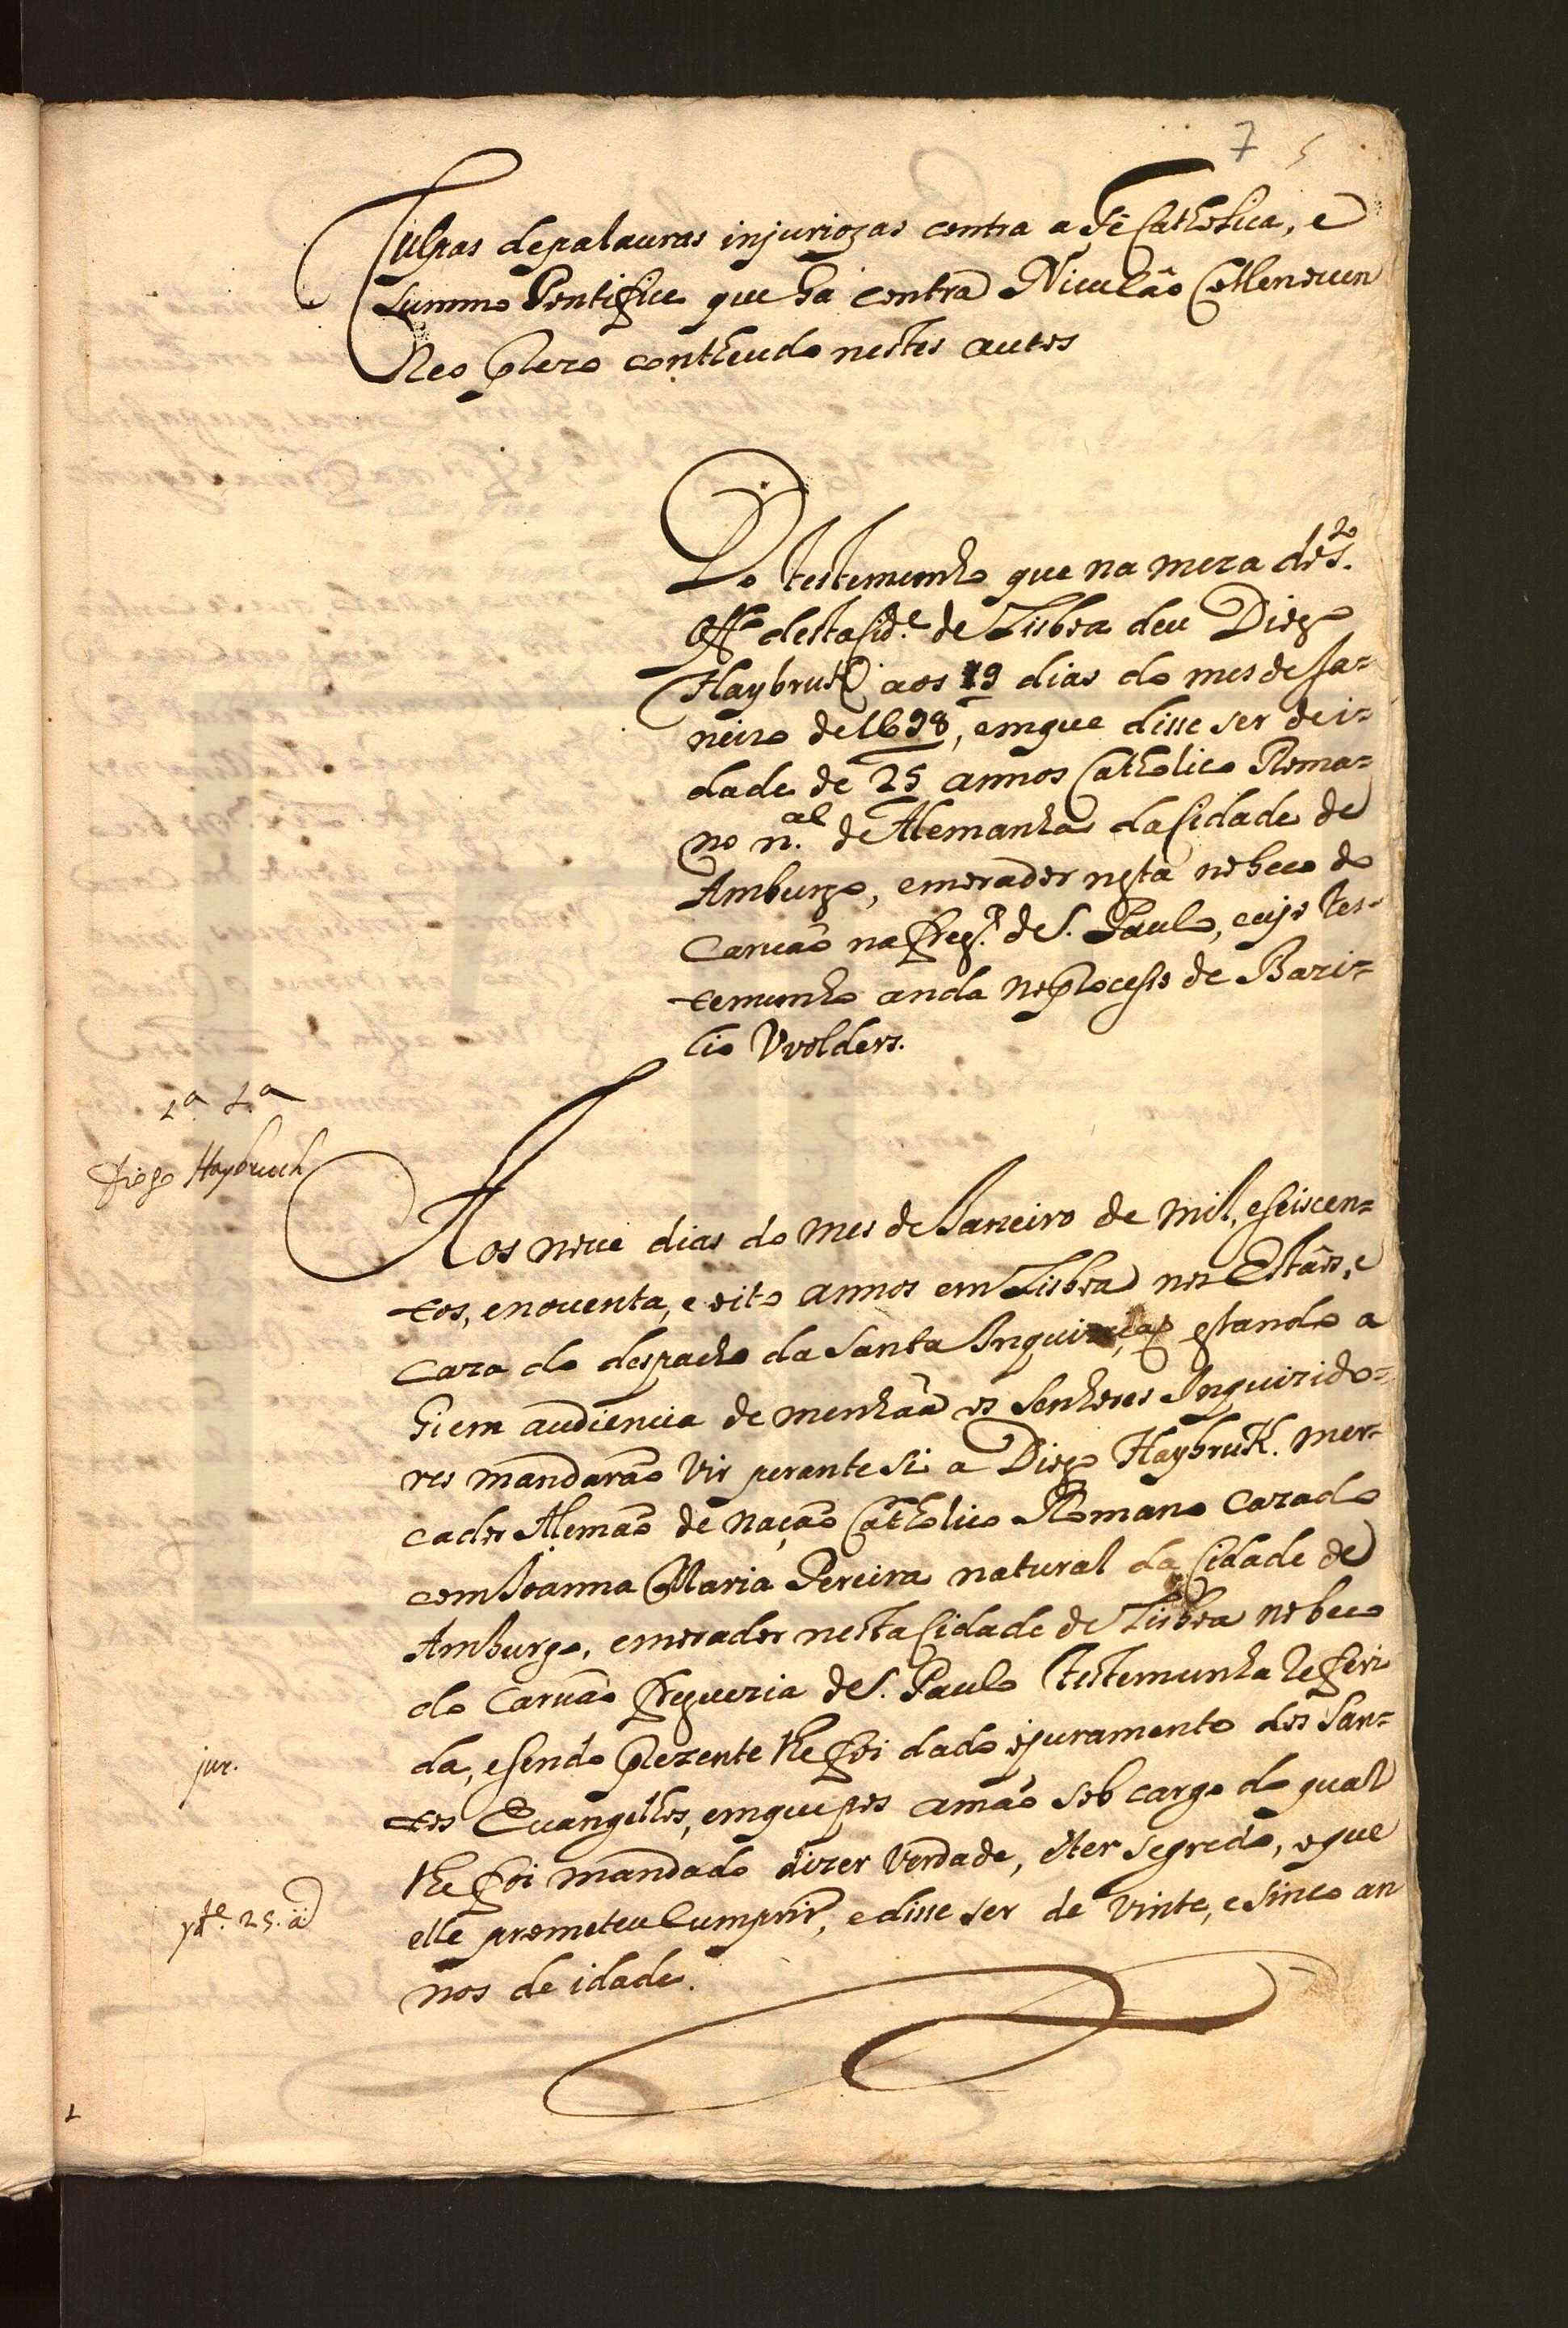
1ª t.a
Diogo Haybruch
jur.
yde. 25. ā.
Culpas de palauras injuriozas contra a Fé Catholica, e
summo Pontifice que ha contra Niculâo Collenouen
Reo prezo contheudo nestes autos
Do testemunho que na meza do s.to
offo desta Cid.e de Lisboa deu Diogo
Haybruk aos _9 dias do mes de Ja
neiro de 1698, em que disse ser de i
dade de 25 annos Catholico Roma
no n.al de Alemanha da Cidade de
Amburgo, e morador nesta no beco do
Caruão na freg.a de S. Paulo, cujo tes
temunho anda no processo de Bazi
lio Vvolders.
Aos noue dias do mes de Janeiro de mil, e seiscen
tos, e nouenta, e oito annos em Lisboa nos Estâos, e
Caza do despacho da Santa Inquiziçaõ estando a
hi em audiencia de menhaã os Senhores Inquizido
res mandarão vir perante si a Diogo HaybruK. mer
cador Alemaõ de nação Catholico Romano cazado
com Joanna Maria Pereira natural da Cidade de
Amburgo, e morador nesta Cidade de Lisboa no beco
do Caruão freguezia de S. Paulo testemunha Referi
da, e sendo prezente lhe foi dado o juramento dos San
tos Euangelhos, em que pos a maõ sob cargo do qual
lhe foi mandado dizer verdade, e ter segredo, o que
elle prometeu Cumprir, e disse ser de vinte, e sinco an
nos de idade.
